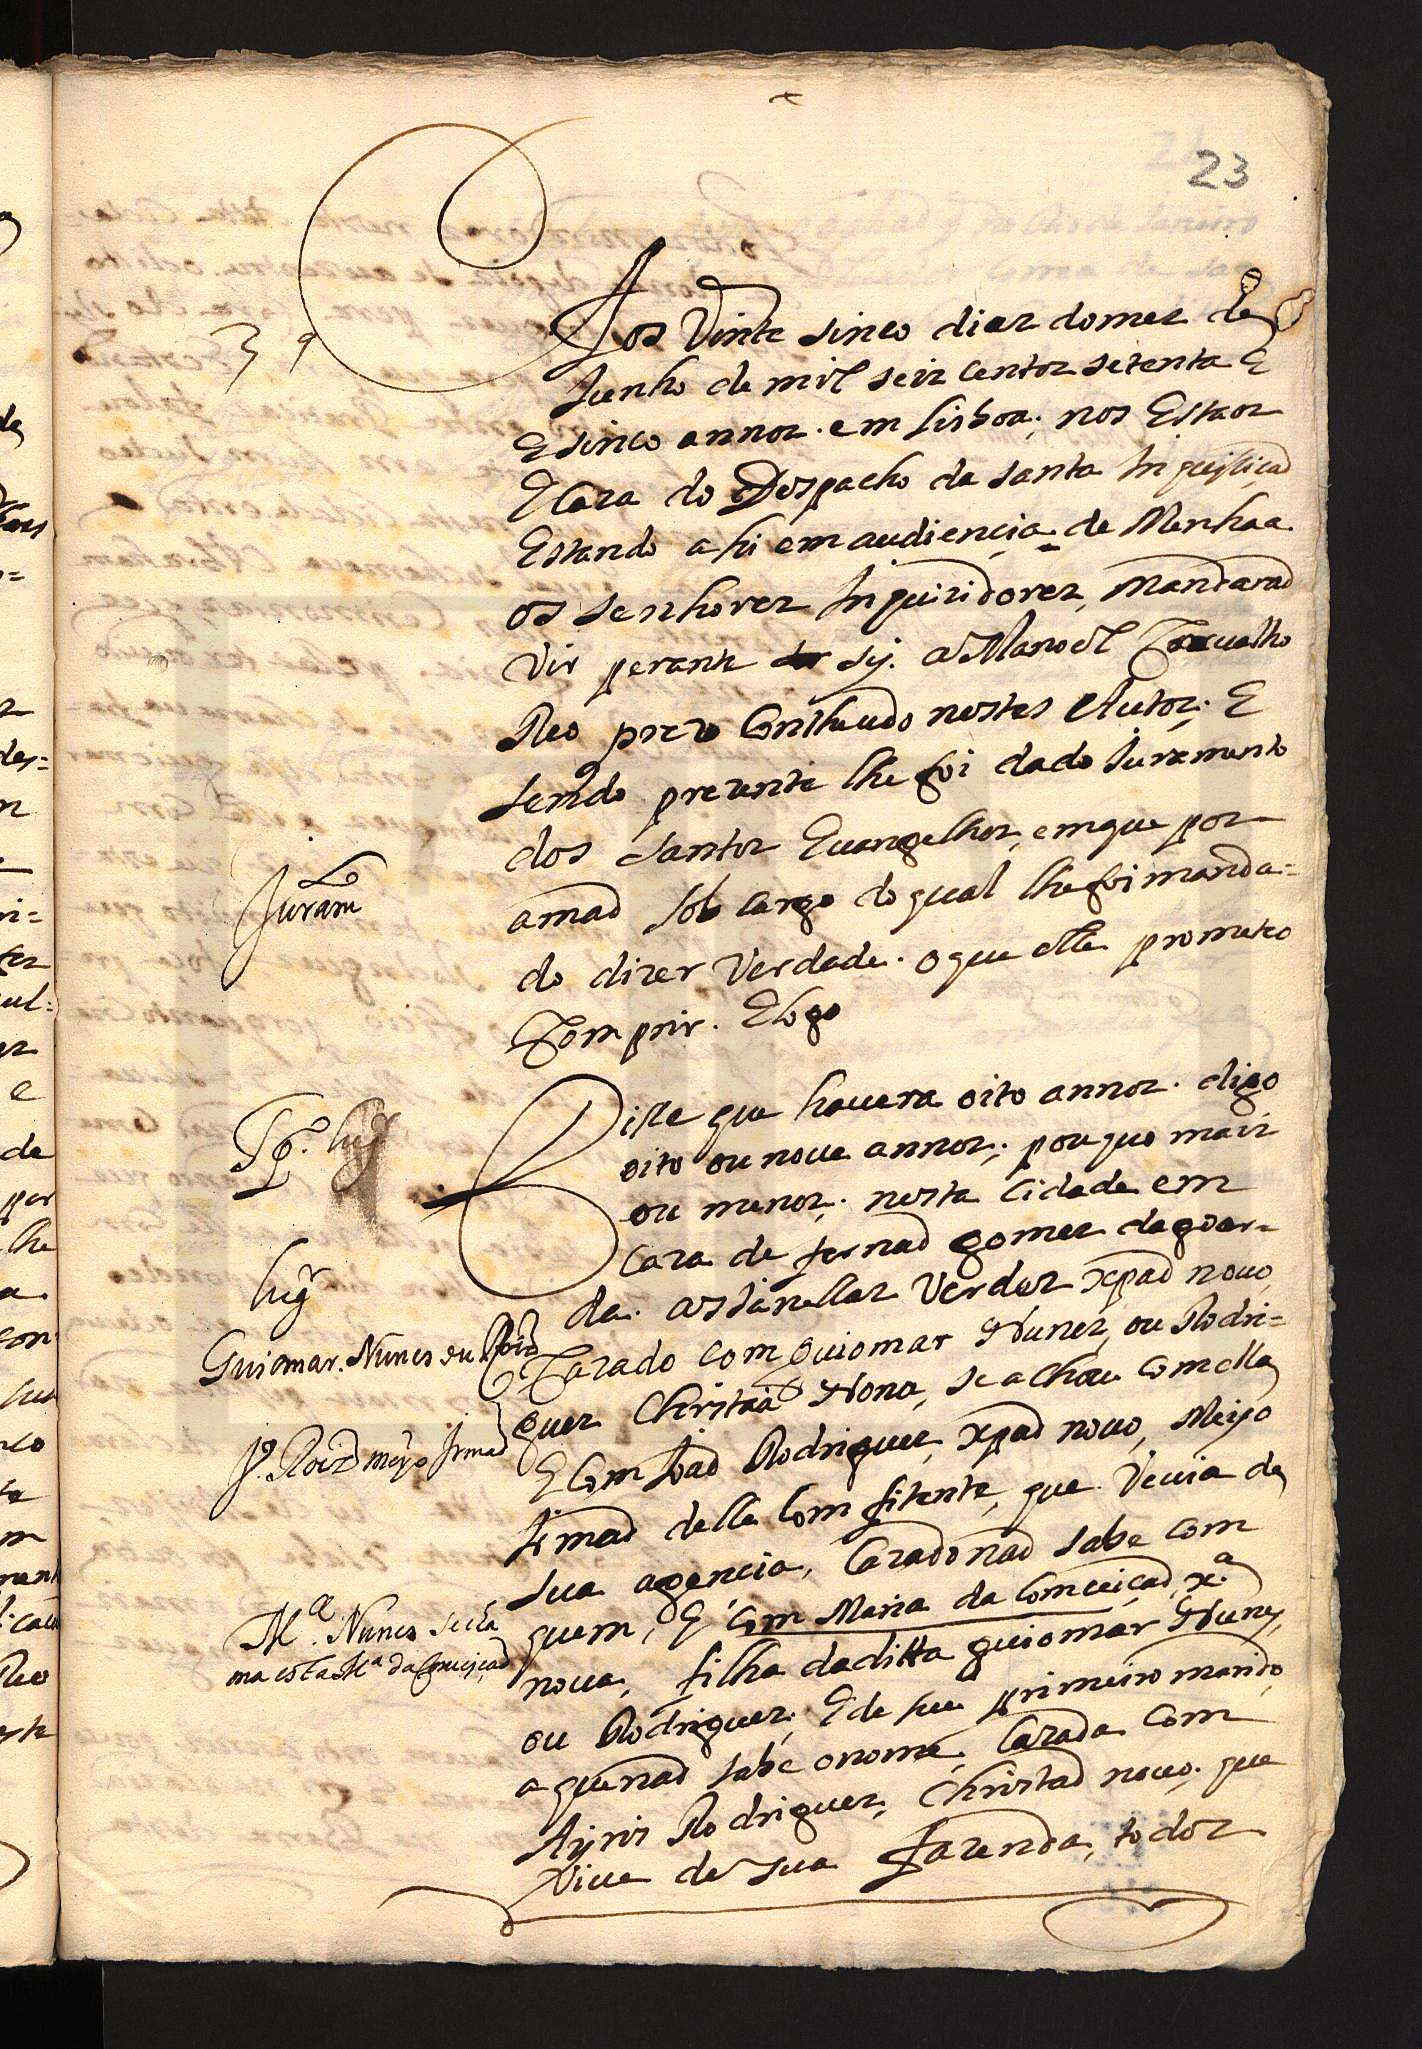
Aos Vinte sinco diaz do mez de
Iunho de mil seiscentoz setenta E
E sinco annoz. em Lisboa; nos Estaoz
E Caza do Despacho da santa Inquissiçaõ
Estando ahi em audiençia de Menhaa
os senhorez Inquizidorez, mandaraõ
Vir perante _ sy a Manoel Ca_ualho
Reo prezo Contheudo nestes Autoz; E
sendo prezente lhe foi dado Iuramento
dos Santoz Euangelhoz, em que poz
a maõ sob cargo do qual lhe foi manda
do dizer verdade. o que elle prometeo
Comprir. E logo
Disse que hauera oito annoz. digo
oito ou noue annoz; pouquo maiz
ou menoz; nesta cidade em
caza de fernaõ gomez da goar
da. as Ianellaz Verdez xpaõ nouo,
Cazado com Guiomar Nunez, ou Rodri
guez Christaā Nona, se achou com ella
E Com Ioaõ Rodriguez, xpaõ nouo, Meyo
Irmaõ della Comfitente, que Veuia da
sua agencia, Cazado naõ sabe com
quem, E com Maria da Comceiçaõ, x.a
noua, filha da ditta guiomar Nunes,
ou Rodriguez; E de seu primeiro marido,
a que naõ sabe o nome, Cazada com
Ayris Rodriguez, Christaõ nouo, que
viue de sua fazenda, todoz
Juramto
Tp.o lugr
lugr
Guiomar. Nunes ou Roiz̄
J.o Roiz̄ meȳo Jrmaõ
Ma. Nunes se cha
ma esta Ma da Concejçaõ
